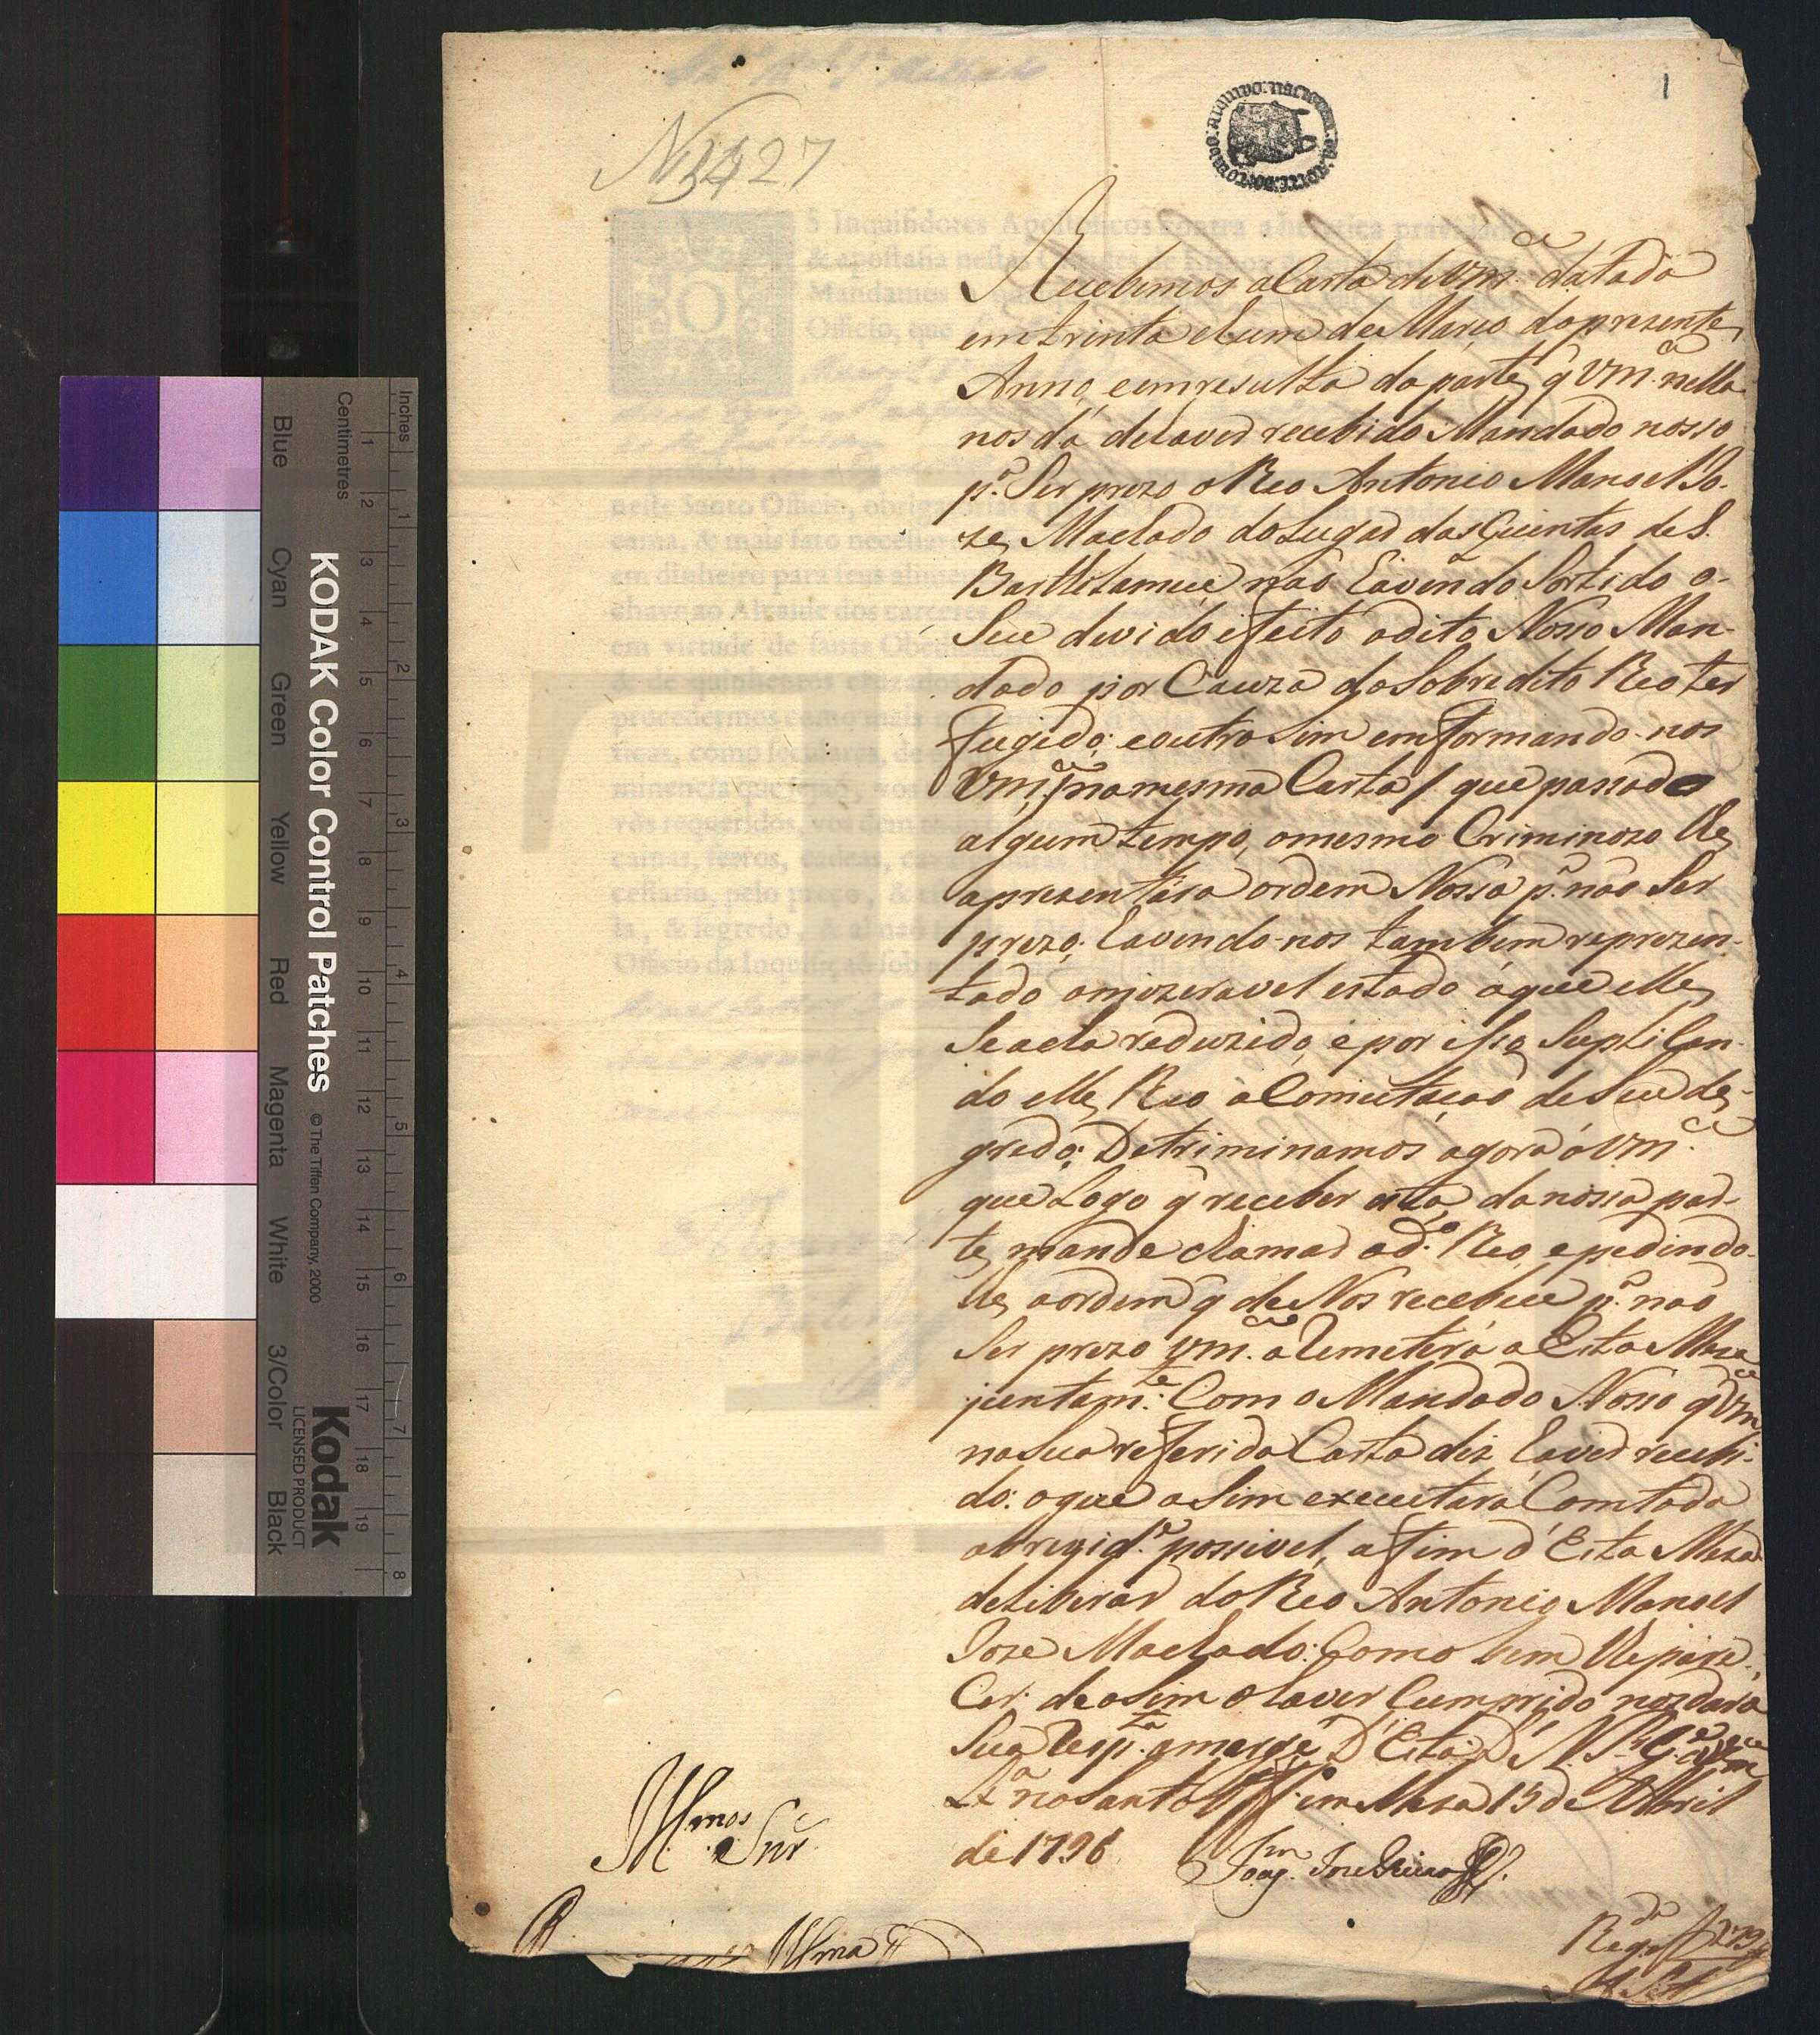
Recebemos a Carta de V M.ce datada
em trinta, e hum de Março do prezente
Anno, e em resulta da parte q̄ V M.ce nella
nos dá de haver recebido Mandado nosso
p.a Ser prezo o Reo Antonio Manoel Io
ze Machado do Lugar das Quintas de S.
BarthoLameu, naõ havendo Sortido o
seu devido efeito o dito Nosso Man
dado por Cauza do Sobredito Reo ter
fugido; e outroSim emformando-nos
V M.ce /na mesma Carta/ que passado
algum tempo, o mesmo Criminozo lhe
aprezentara ordem Nossa p.a naõ Ser
prezo; havendo-nos tambem reprezen
tado o mizeravel estado á que elle
se acha reduzido, e por isso SupliCan
do elle Reo à Comutaçaõ de Seu de
gredo; Detriminamos agora a V M.ce
que Logo q̄ receber esta da nossa par
te mande chamar o d.o Reo, e pedindo
lhe a ordem q̄ de Nos recebece p.a naõ
ser prezo V M.ce a Remeterá a Esta Meza
juntam.te Com o Mandado Nosso q̄ V M.ce
na Sua referida Carta diz haver recebi
do: o que aSim executara Com toda
a brevid.e possivel, afim d'Esta Meza
deLiberar do Reo Antonio Manoel
Ioze Machado: Como bem lhe pare
Cer de asim o haver Cumprido nos dara
sua Resp.ta a marge D'Esta D̄ N S.r G.e a V M.ce
Lx.a no Santo Off.o em Meza 15 de Abril
de 1796.
Ioaq.m Ioze Guiao
Reg.da f279
Ill.mos Snr.es
Jllma
